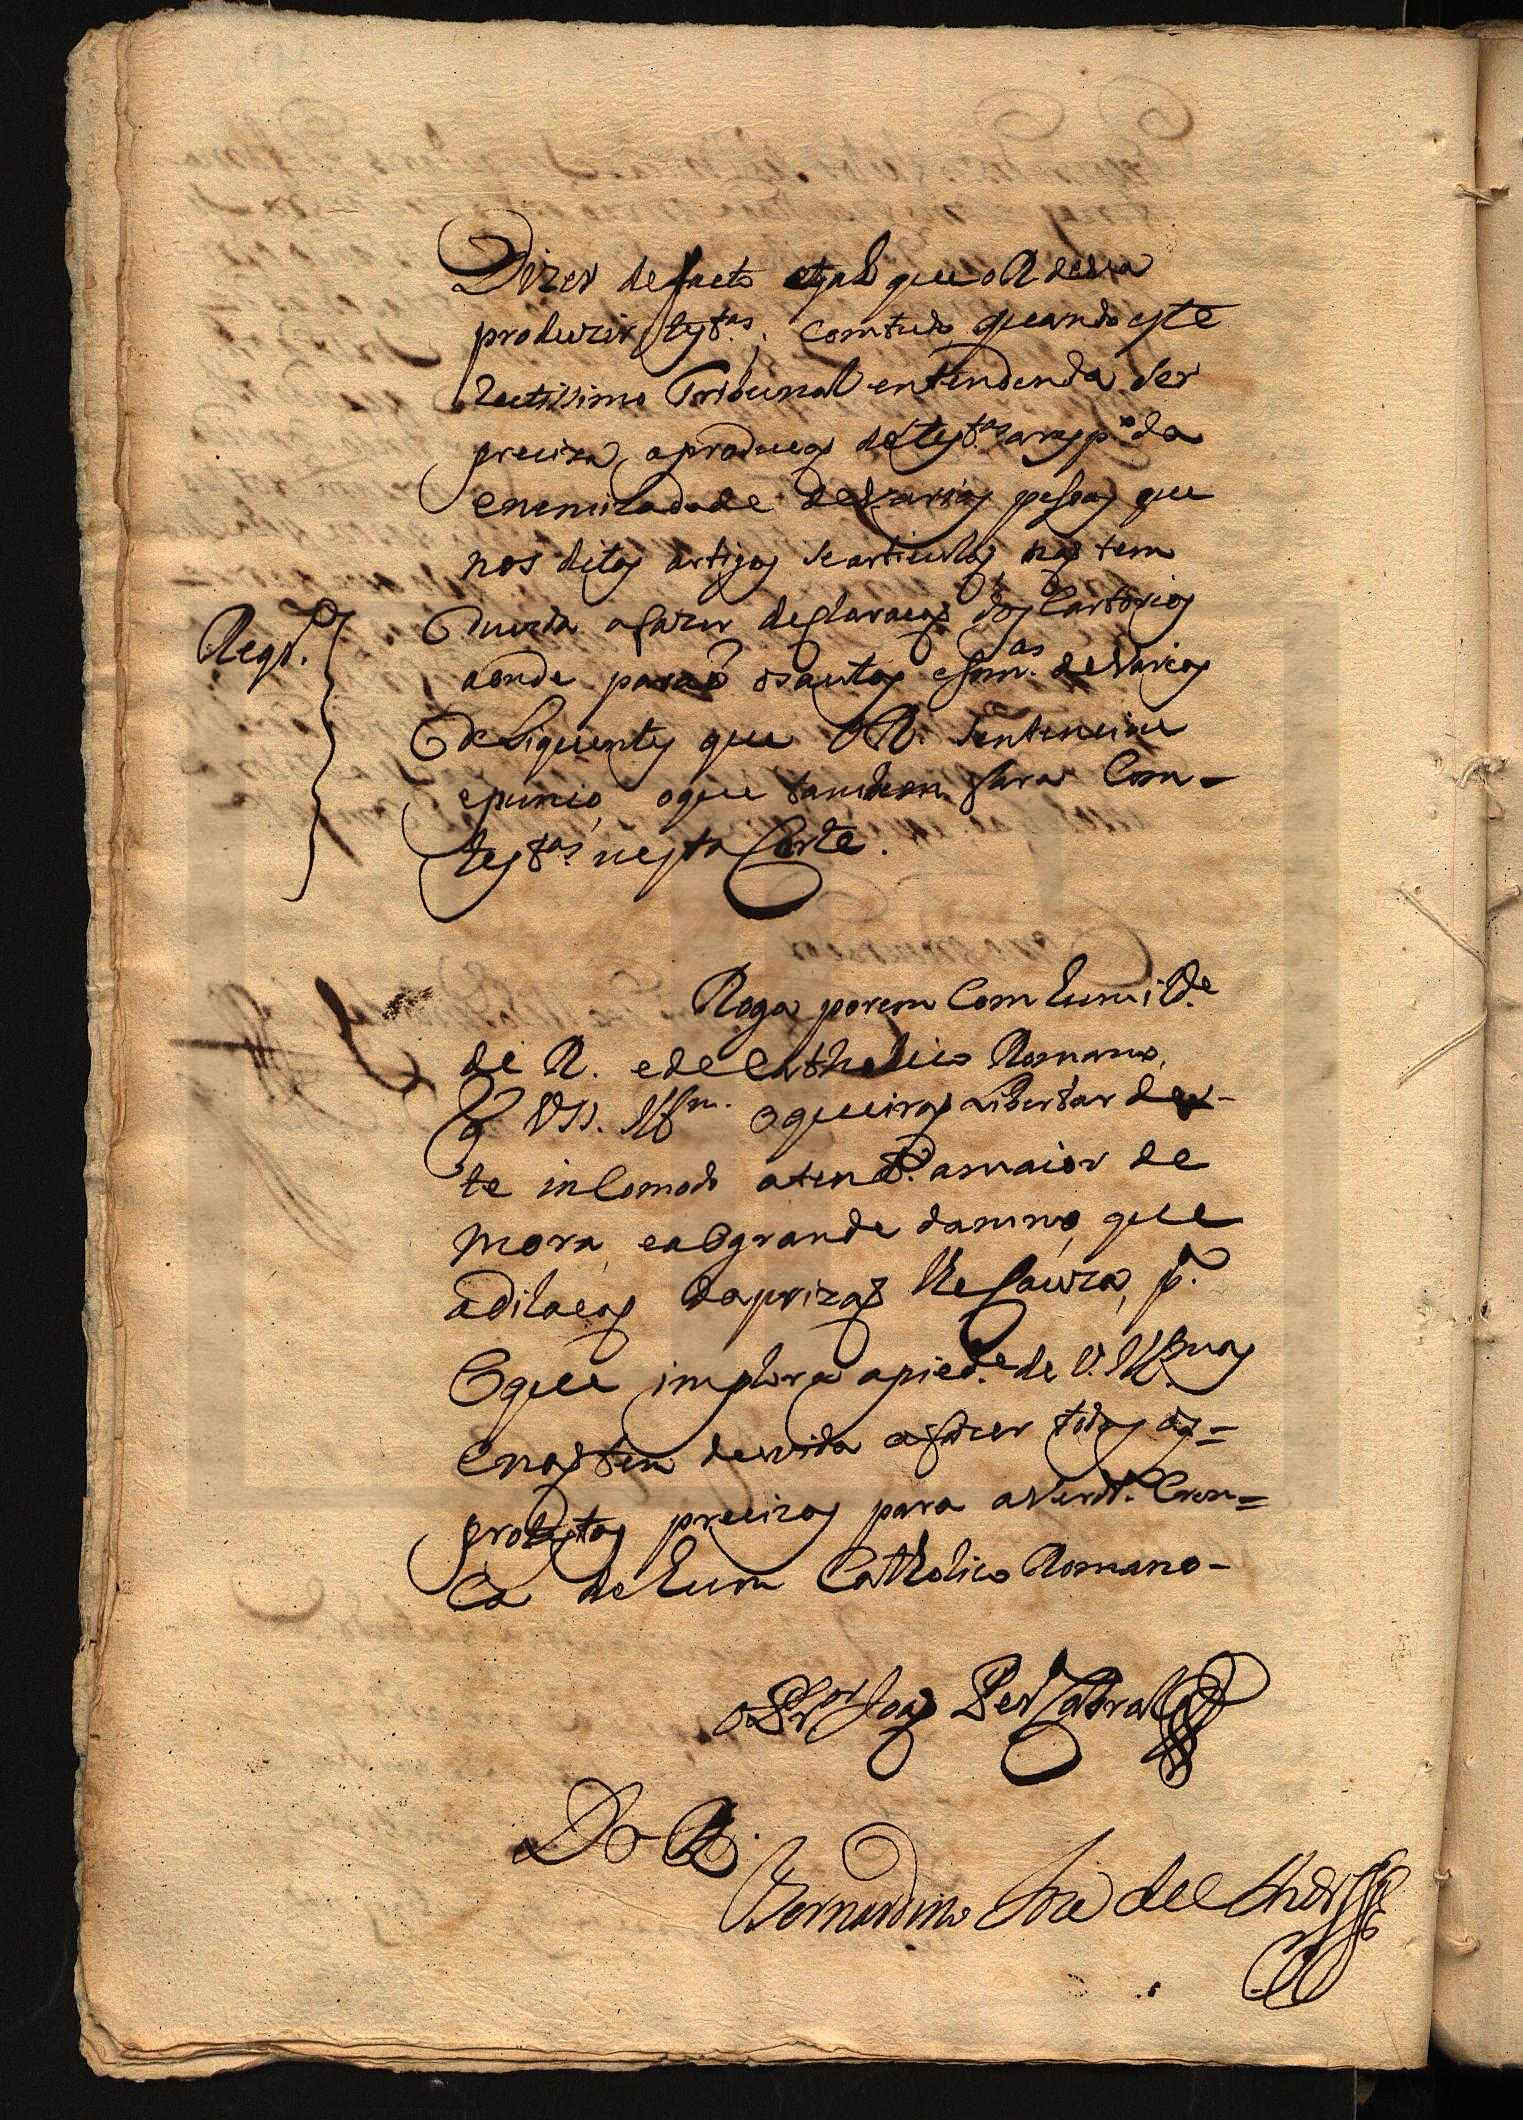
Dizer de facto e tjaL que o R devia
produzir test.as; comtudo quando este
Rectissimo Tribunal entendendo ser
preciza a produçaꝭ de test.as a resp.o da
enemizadade de varias pesoas que
nos ditos artigos se articulaꝭ, naõ tem
duvida o fazer deClaraçaõ dos Cartorios
Reqr.o
aonde paraõ os autos e form.as de Varios
deliquentes que O R. sentenciou
e punio, o que tambem fara Com
testas. nesta Corte.
Roga porem Com humild.e
de R. e de catholico Romano,
q̄ Vss. Ill.m o queiraꝭ Libertar des
te incomodo atend.o a maior de
mora, e ao grande damno, que
a dilaçaꝭ da prizaõ lhe Cauza, p.a
O que implora a pied.e de V. Ill.mas
e naõ tem duvida a fazer todos os
protestos precizos para a verdr.a Cren
Ça de hum Catholico Romano
o Pr.o Joaõ Pera Cabral
Do R.
Bernardino Ioze de Andre
